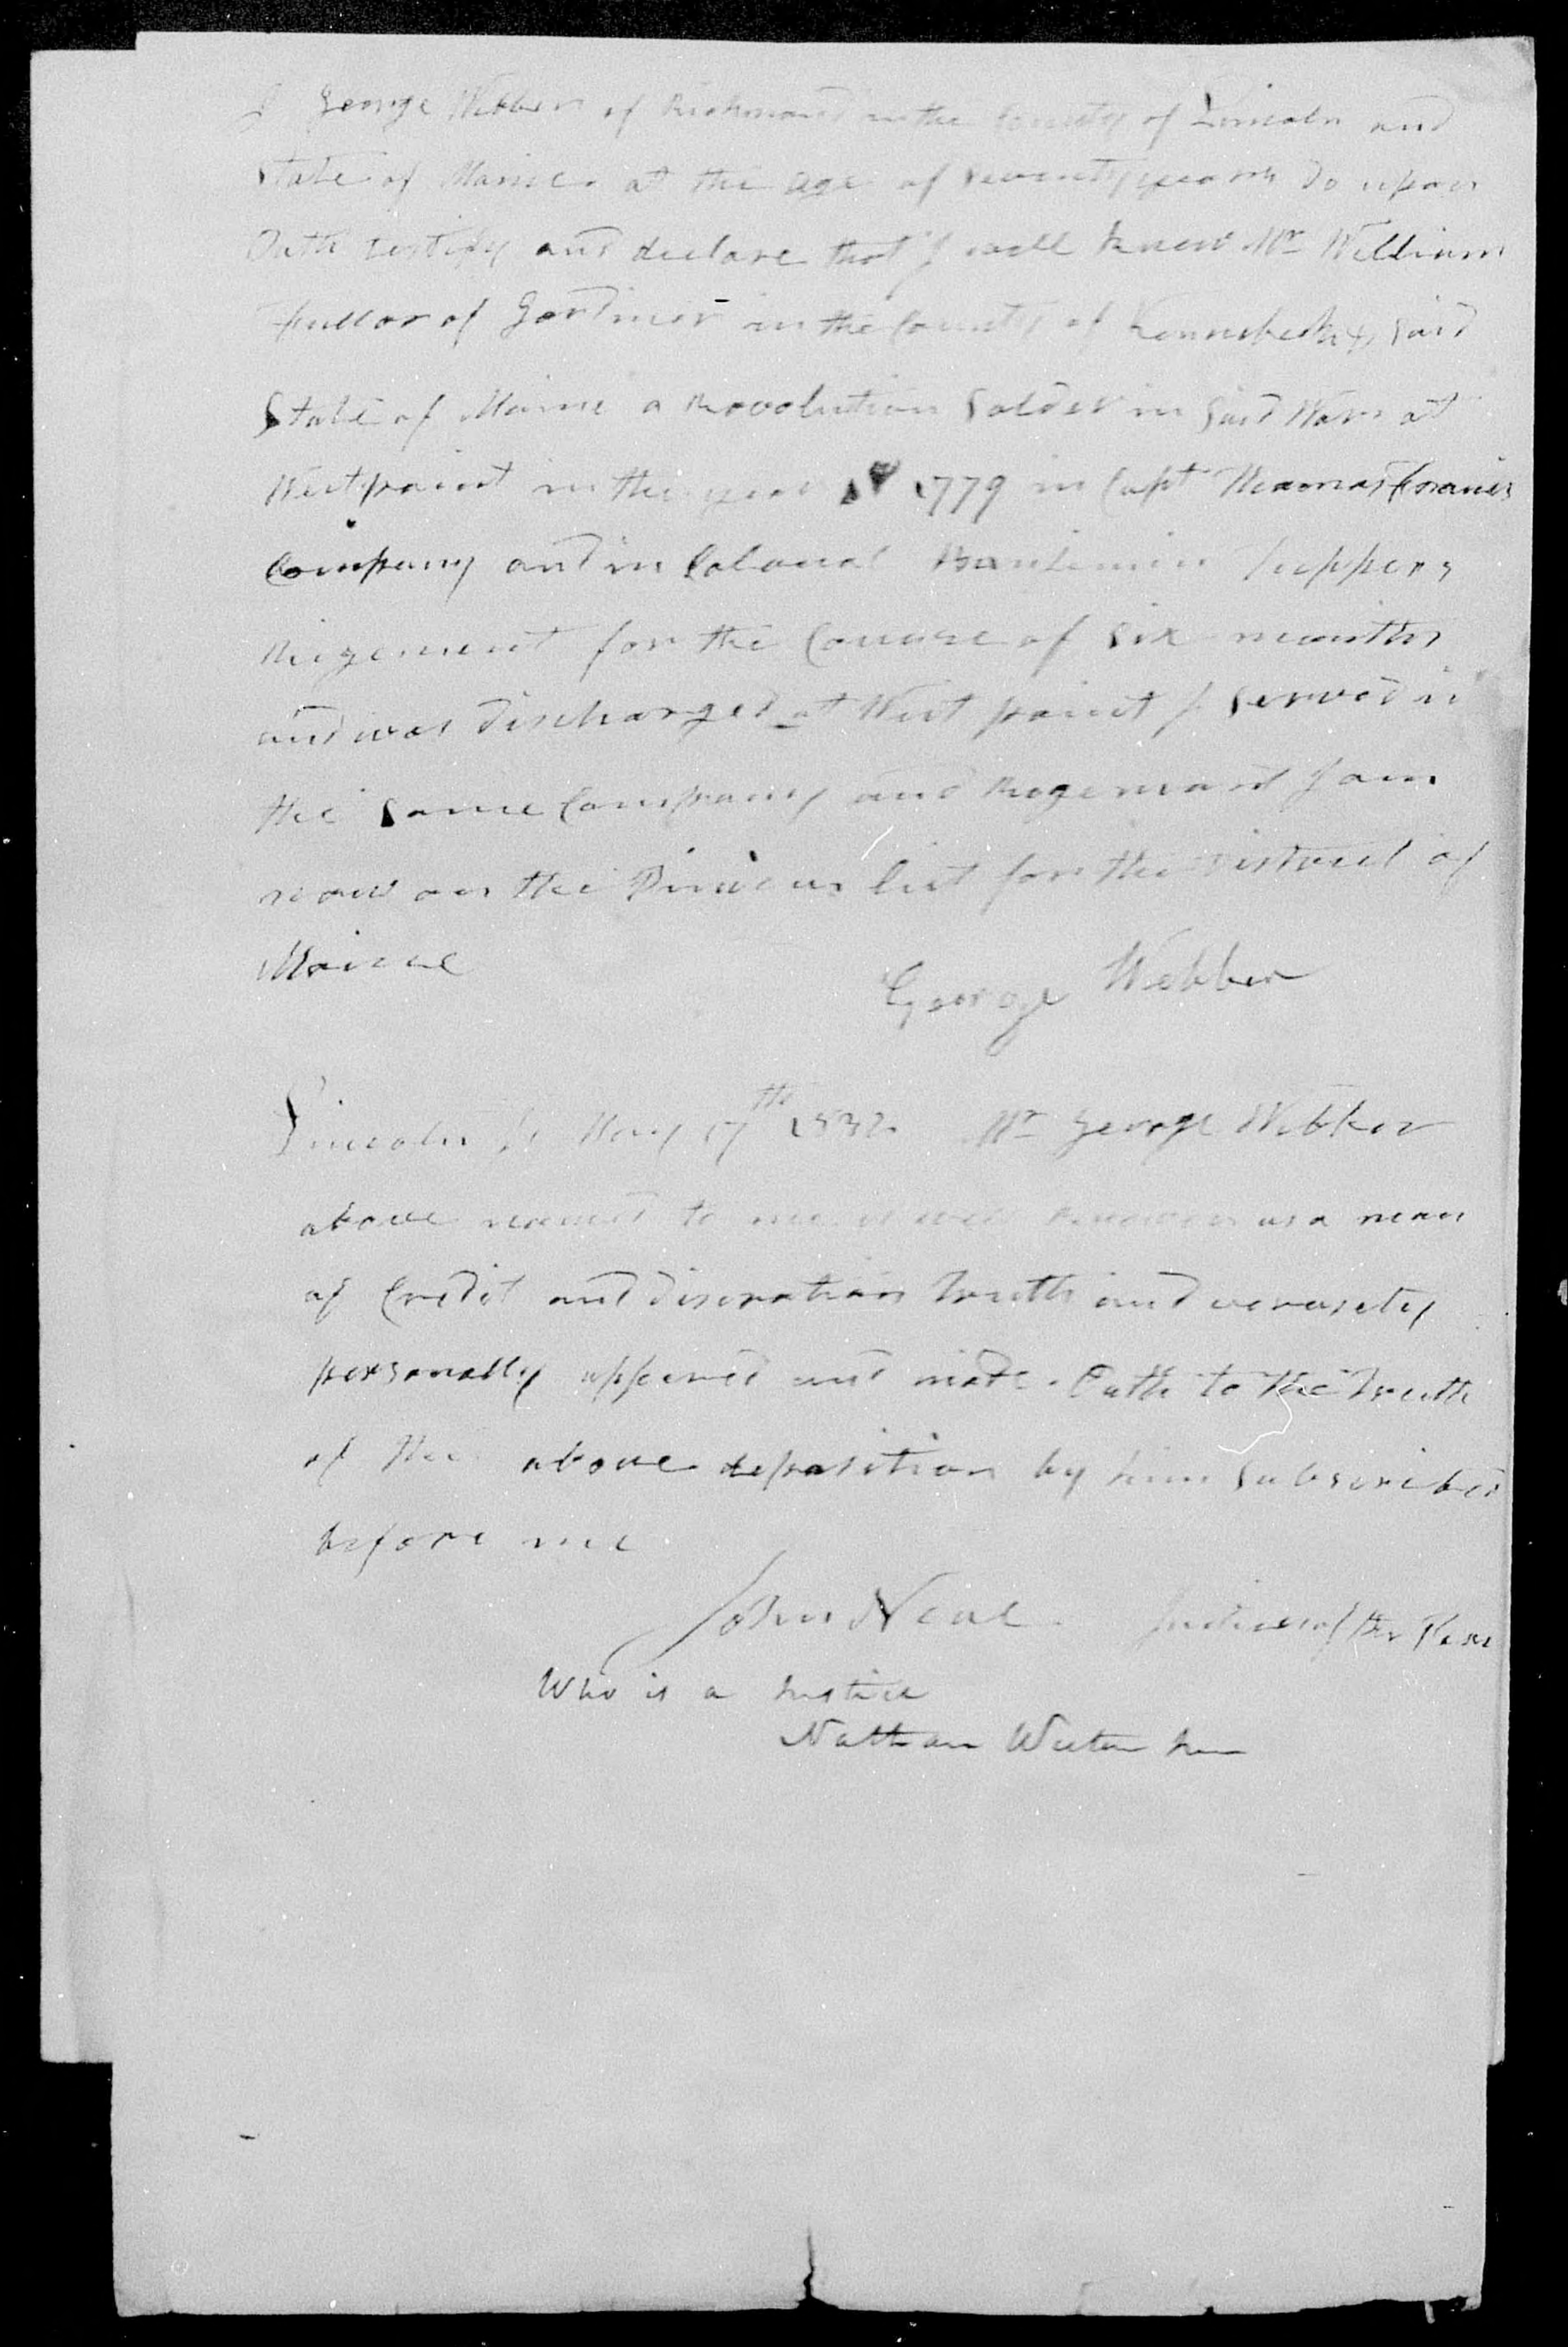I George Webber of Richmond in the County of Lincoln and State of Maine at the age of seventy years do upon oath testify and declare that I well know Mr. William Fuller of Gardiner in the County of Kennebec & said State of Maine a Revolution Soldier in said War at West Point in the year 1779 in Captain Thomas Francis Company and in Colonel Benjamin Tuppers Regiment for the course of six months and was discharged at West Point & served in the same Company and Regiment I am now on the Pension list for the [illegible] of Maine
George Webber
Lincoln May 17th 1832  Mr. George Webber above received to me is well known as a man of credit and dis[illegible] truth and veracity personally appeared and made Oath to the truth of the above deposition by him subscribed before me
John Neal  Justice of the Peace
Who is a Justice
Nathan Weston Jr.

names: George Webber, John Neal, Nathan Weston, George Webber, George Webber, William Fullar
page: 32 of 45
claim: widow's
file: W. 17933, William Fuller, Mass